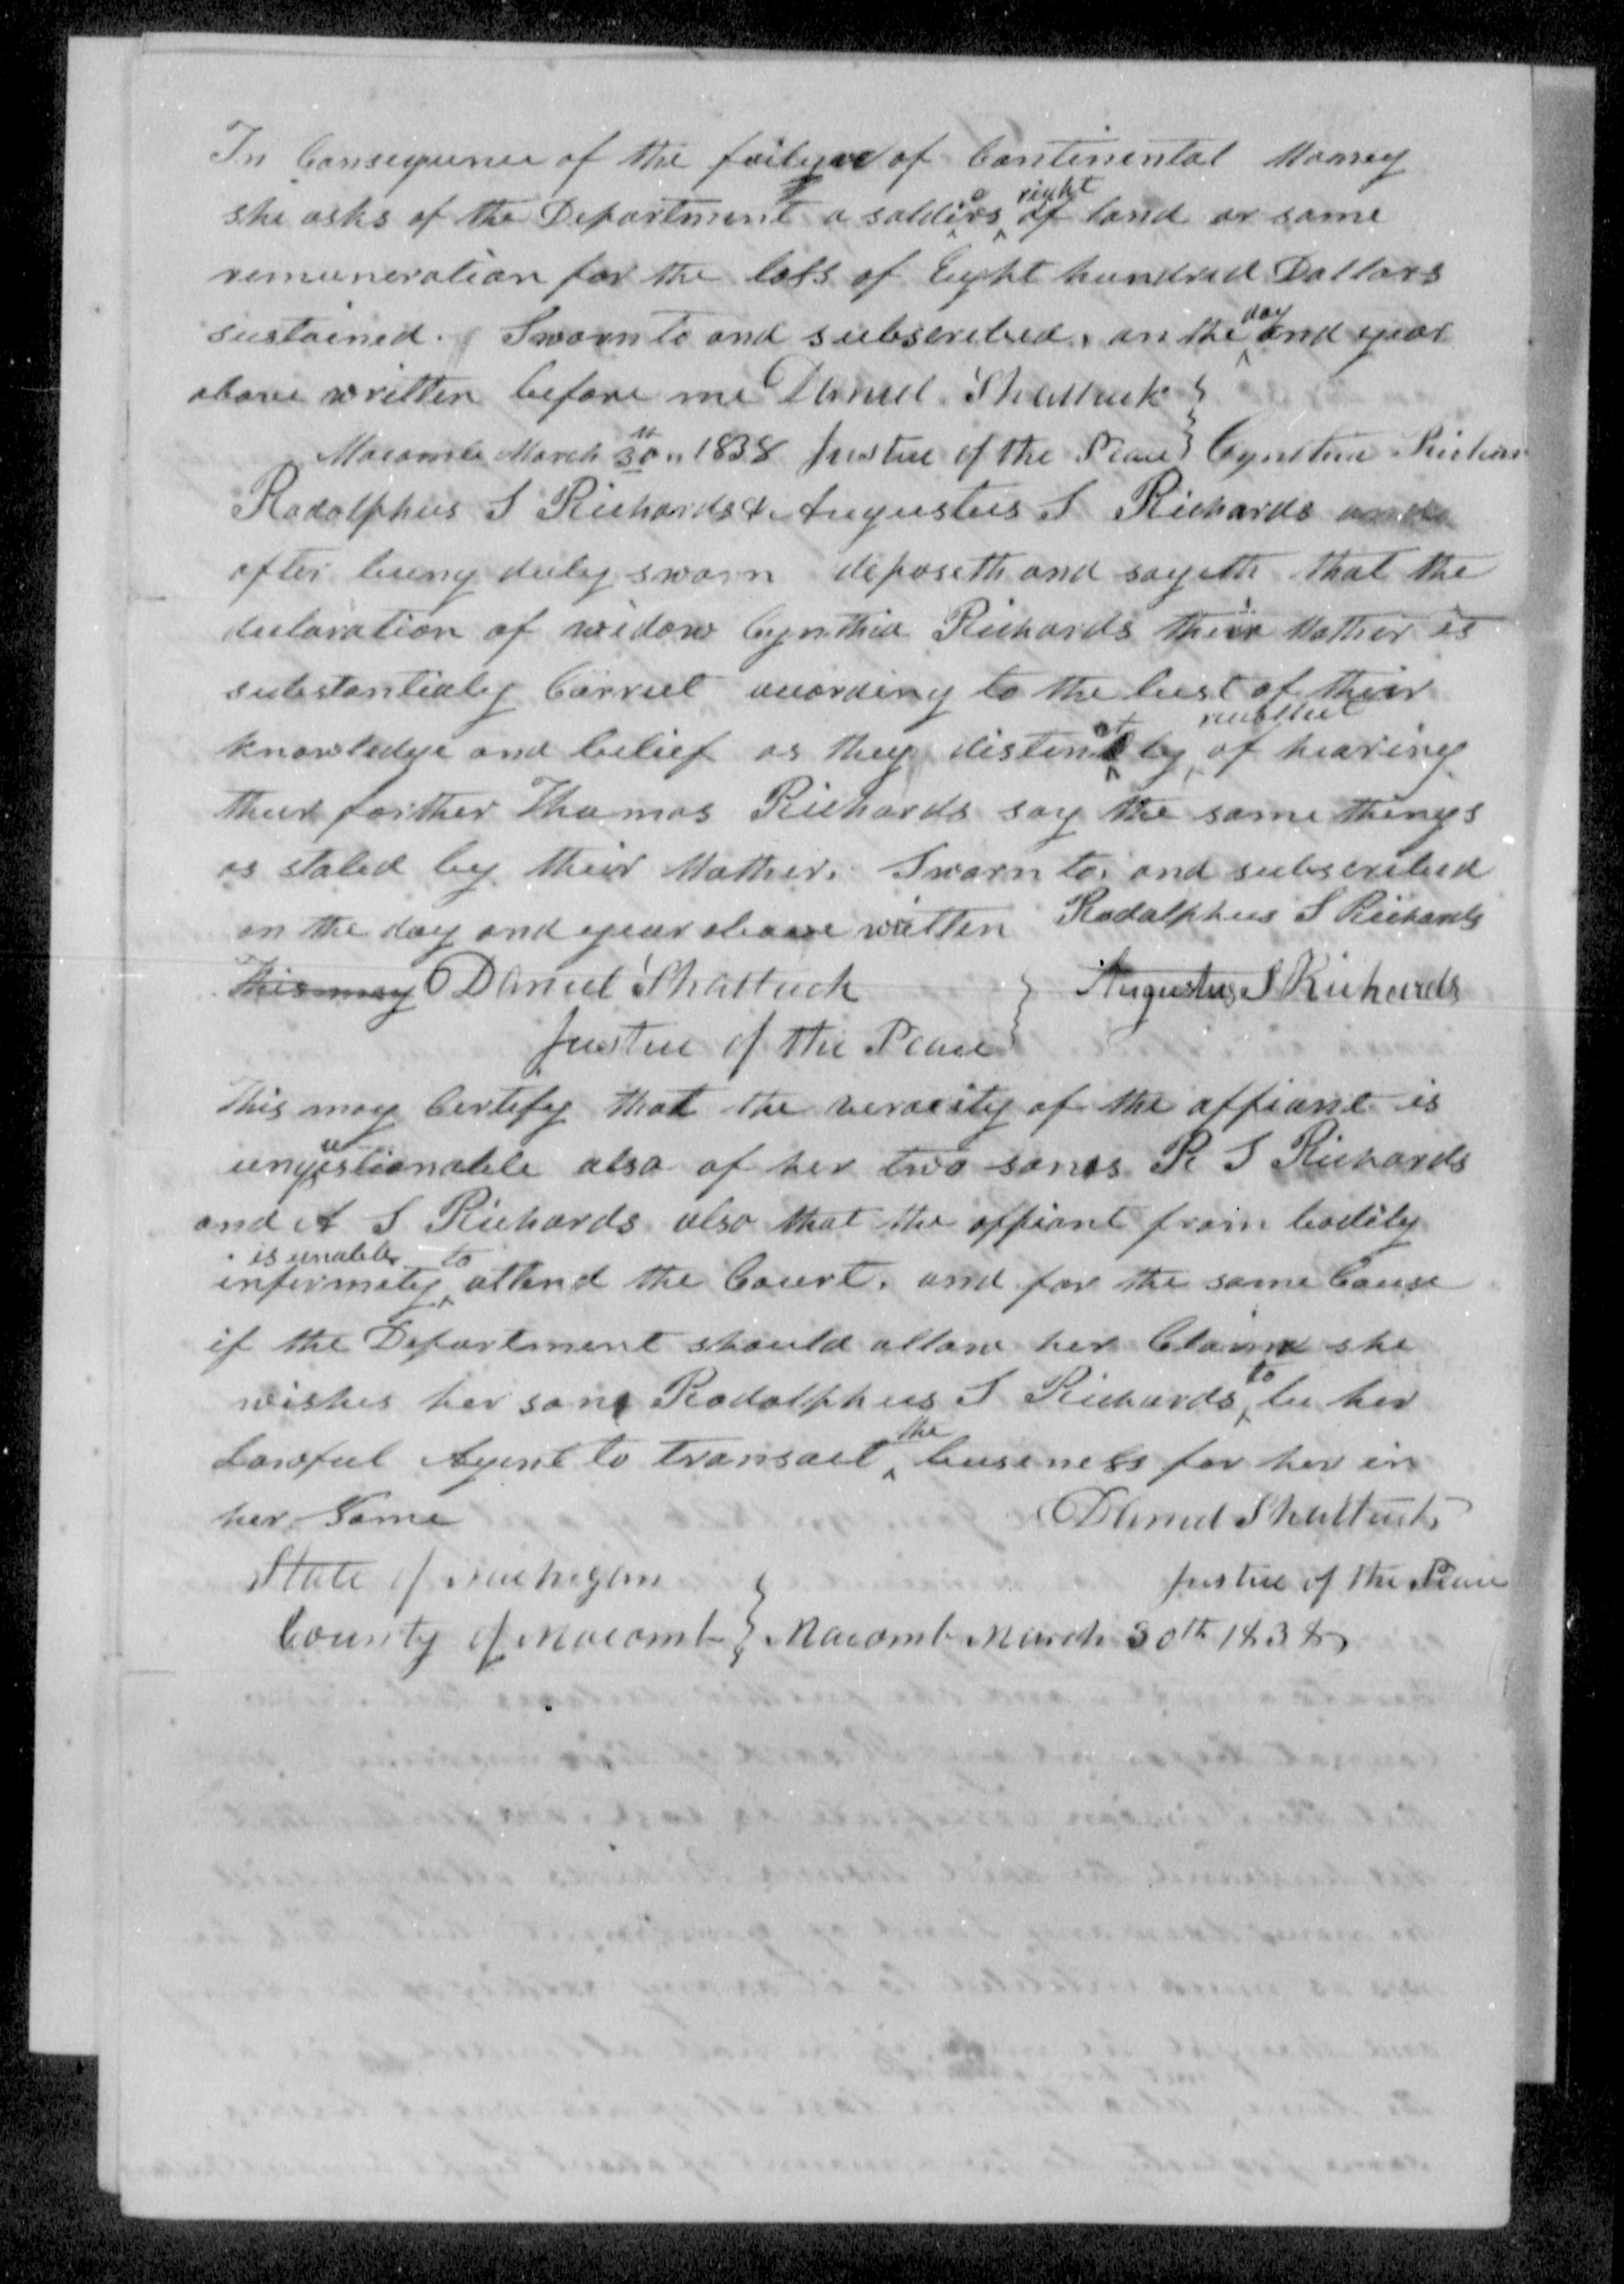In consequence of the failure of Continental Army she asks of the Department a soldiers [sic] right of land or some remuneration for the loss of Eight hundred Dollars sustained. Sworn to and subscribed on the day and year
above written before me Daniel Shattuck
Macomb March 30th 1838 Justice of the Peace} Cynthia Richards
Rodolphus S Richards & Augustus S Richards
after being duly sworn deposeth and sayeth that the declaration of widow Cynthia Richards their Mother is substantialy [SUBSTANTIALLY] Correct according to the best of their
knowledge and belief as they distinctly recollect of hearing their farther [FATHER] Thomas Richards say the same things as stated by their Mother. Sworn to and subscribed
on the day and year above written
Rodolphus S Richards
Augustus S Richards
Daniel Shattuck
Justice of the Peace}
This may certify that the veracity of the affiant is unquestionable also of her two sones [SONS] R S Richards and A S Richards also that the affiant from bodily infirmity is unable to attend the Court, and for the same cause if the Department should allow her claim she
wishes her son Rodolphus S Richards to be her
Lawful Agent to transact the business for her in
her same
Daniel Shattuck
Justice of the Peace
State of Michigan County of Macomb} 
Macomb March 30th 1838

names: Cynthia Richards; Daniel Shattuck; Augustus S Richards; R S Richards; Rodolphus S Richards; Daniel Shattuck; Thomas Richards; Rodolphus S Richards; Rodolphus S Richards; A S Richards; Augustus S Richards; Cynthia Richards; Daniel Shattuck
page: 18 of 109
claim: widow's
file: W. 5709, for Thomas Richards, New Hampshire